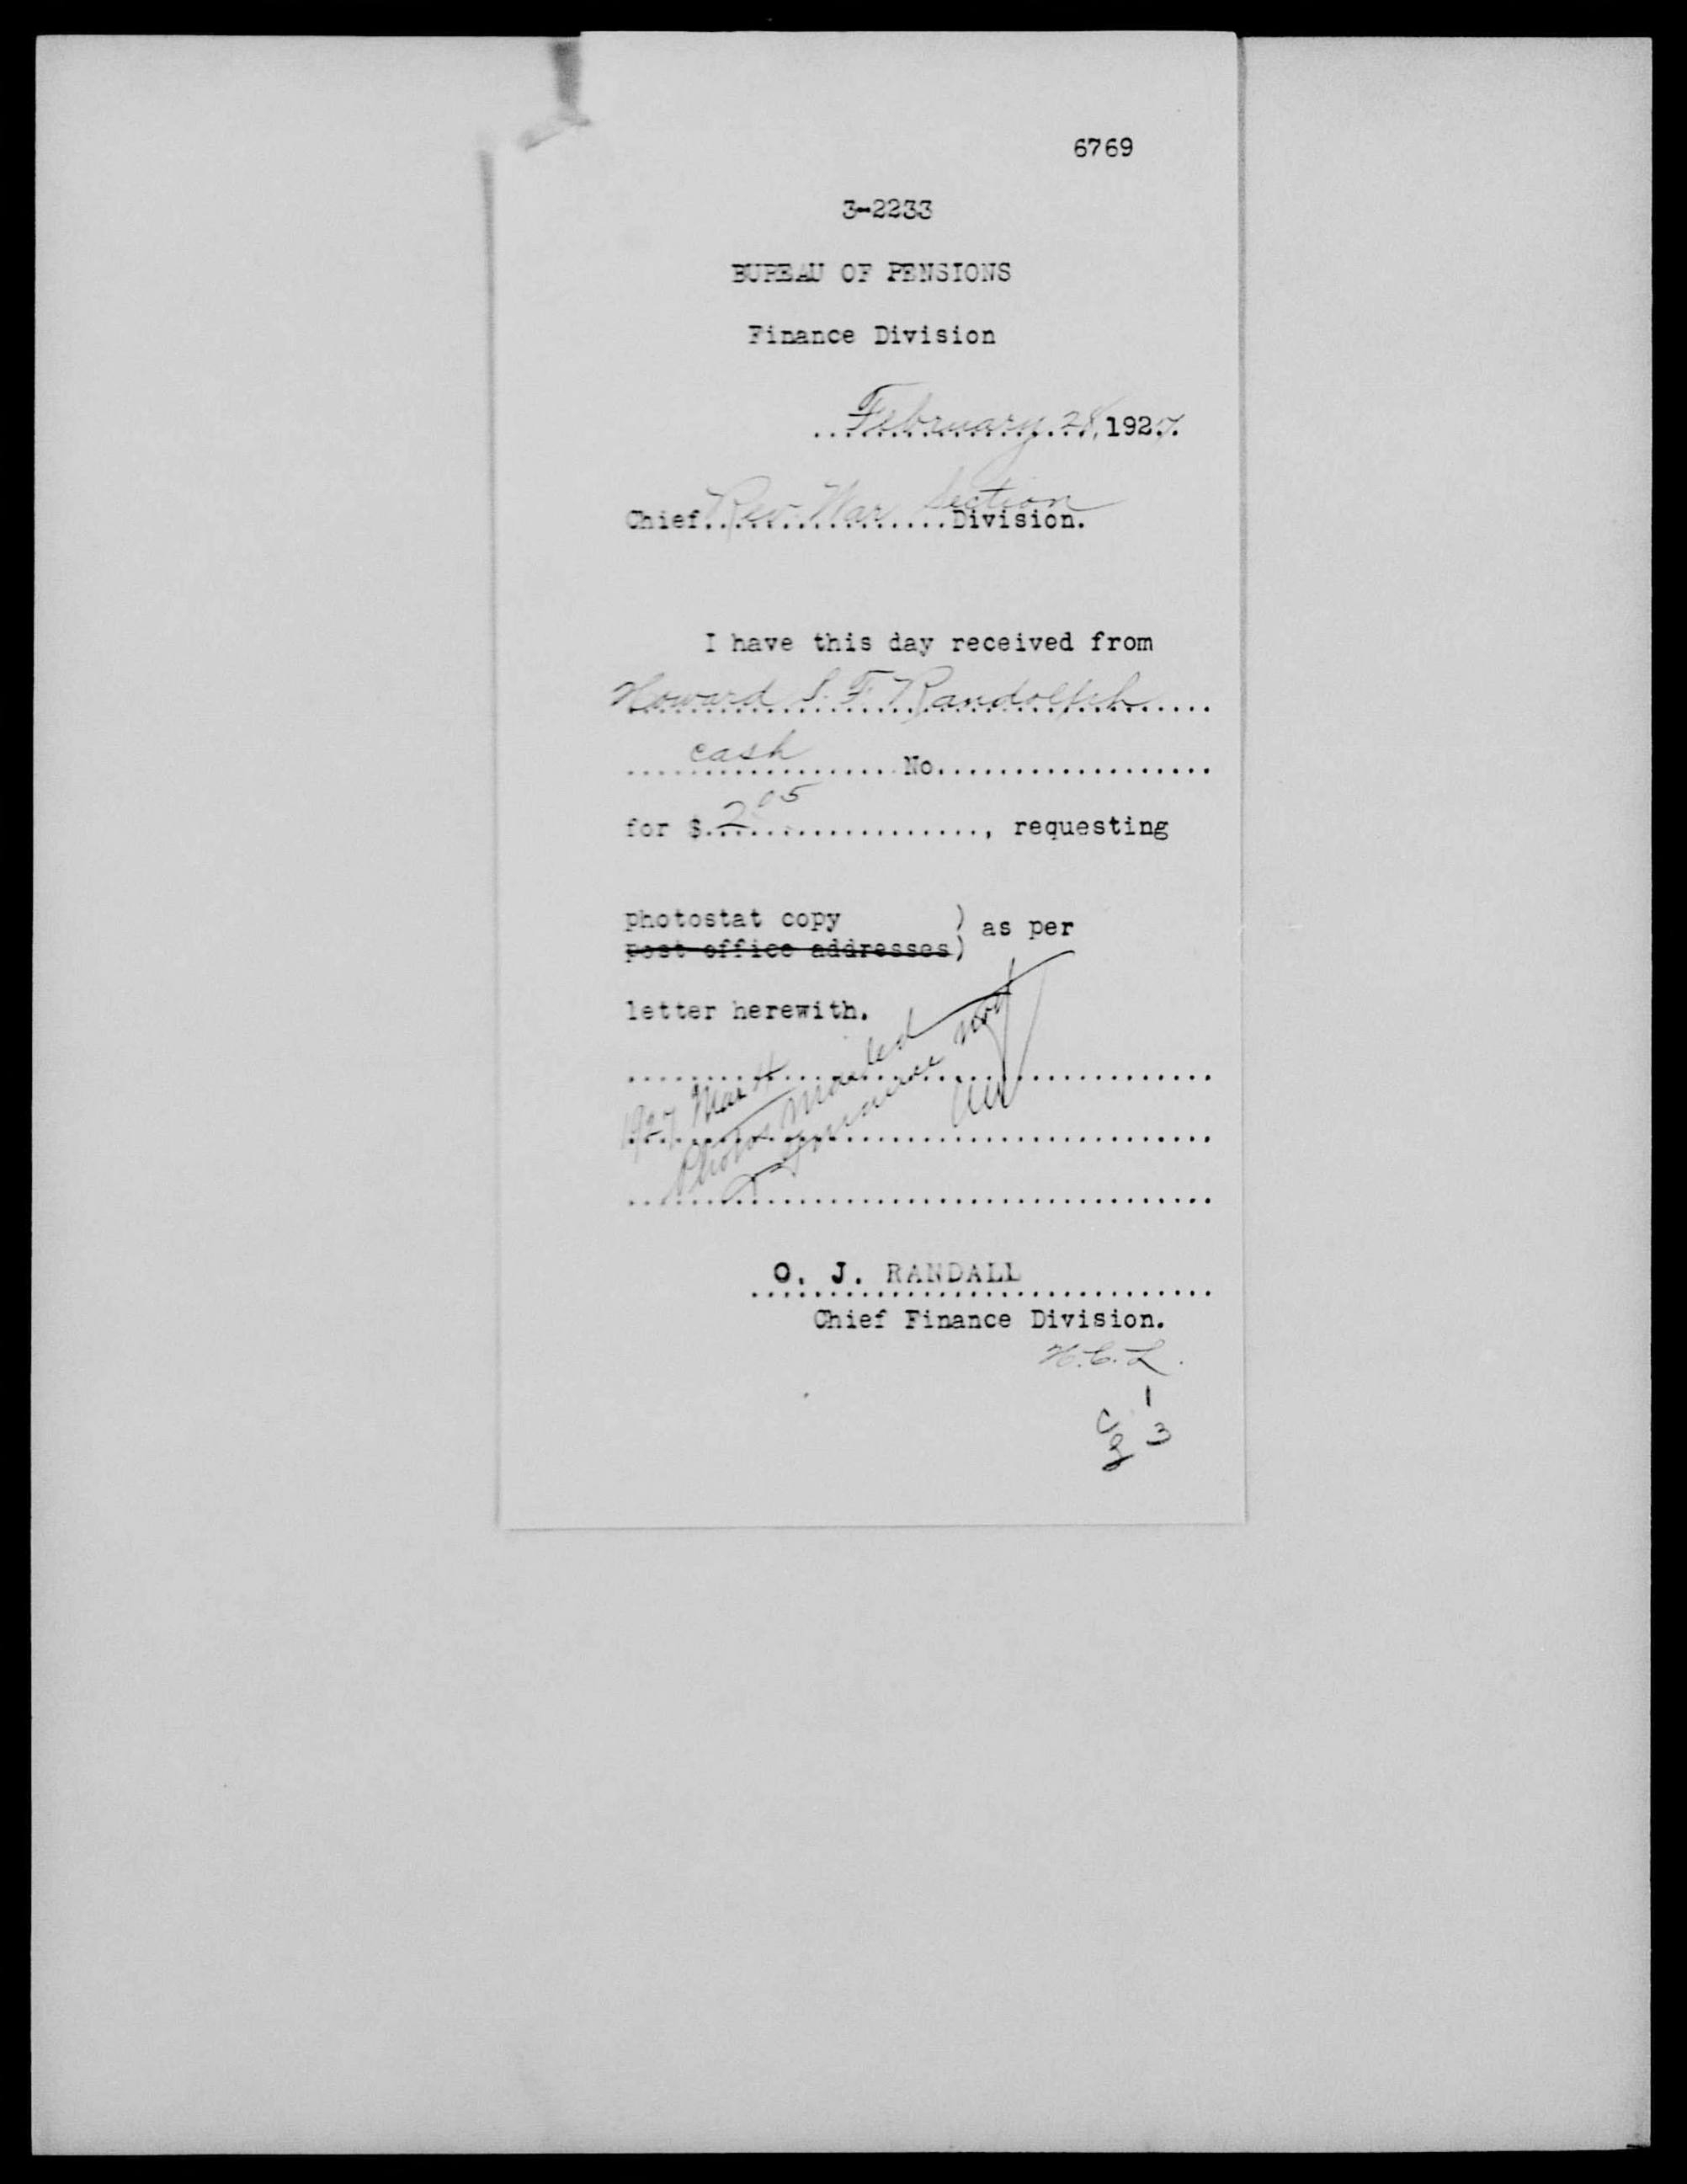6769
3-2233
BUREAU OF PENSIONS
Finance Division
February 28, 1927
Chief Rev. War Section Division
I have this day received from Howard S. F. Randolph cast No for $2.05, requesting photostat copy post office addresses as per letter herewith.
1927 Mar 11
Photos Mailed
[illegible]
O.J. RANDALL
Chief Finance Division
H.C.L.
C 1
L 3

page: 30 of 33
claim: widow's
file: W. 5,665, for Stelle F Randolph, New Jersey